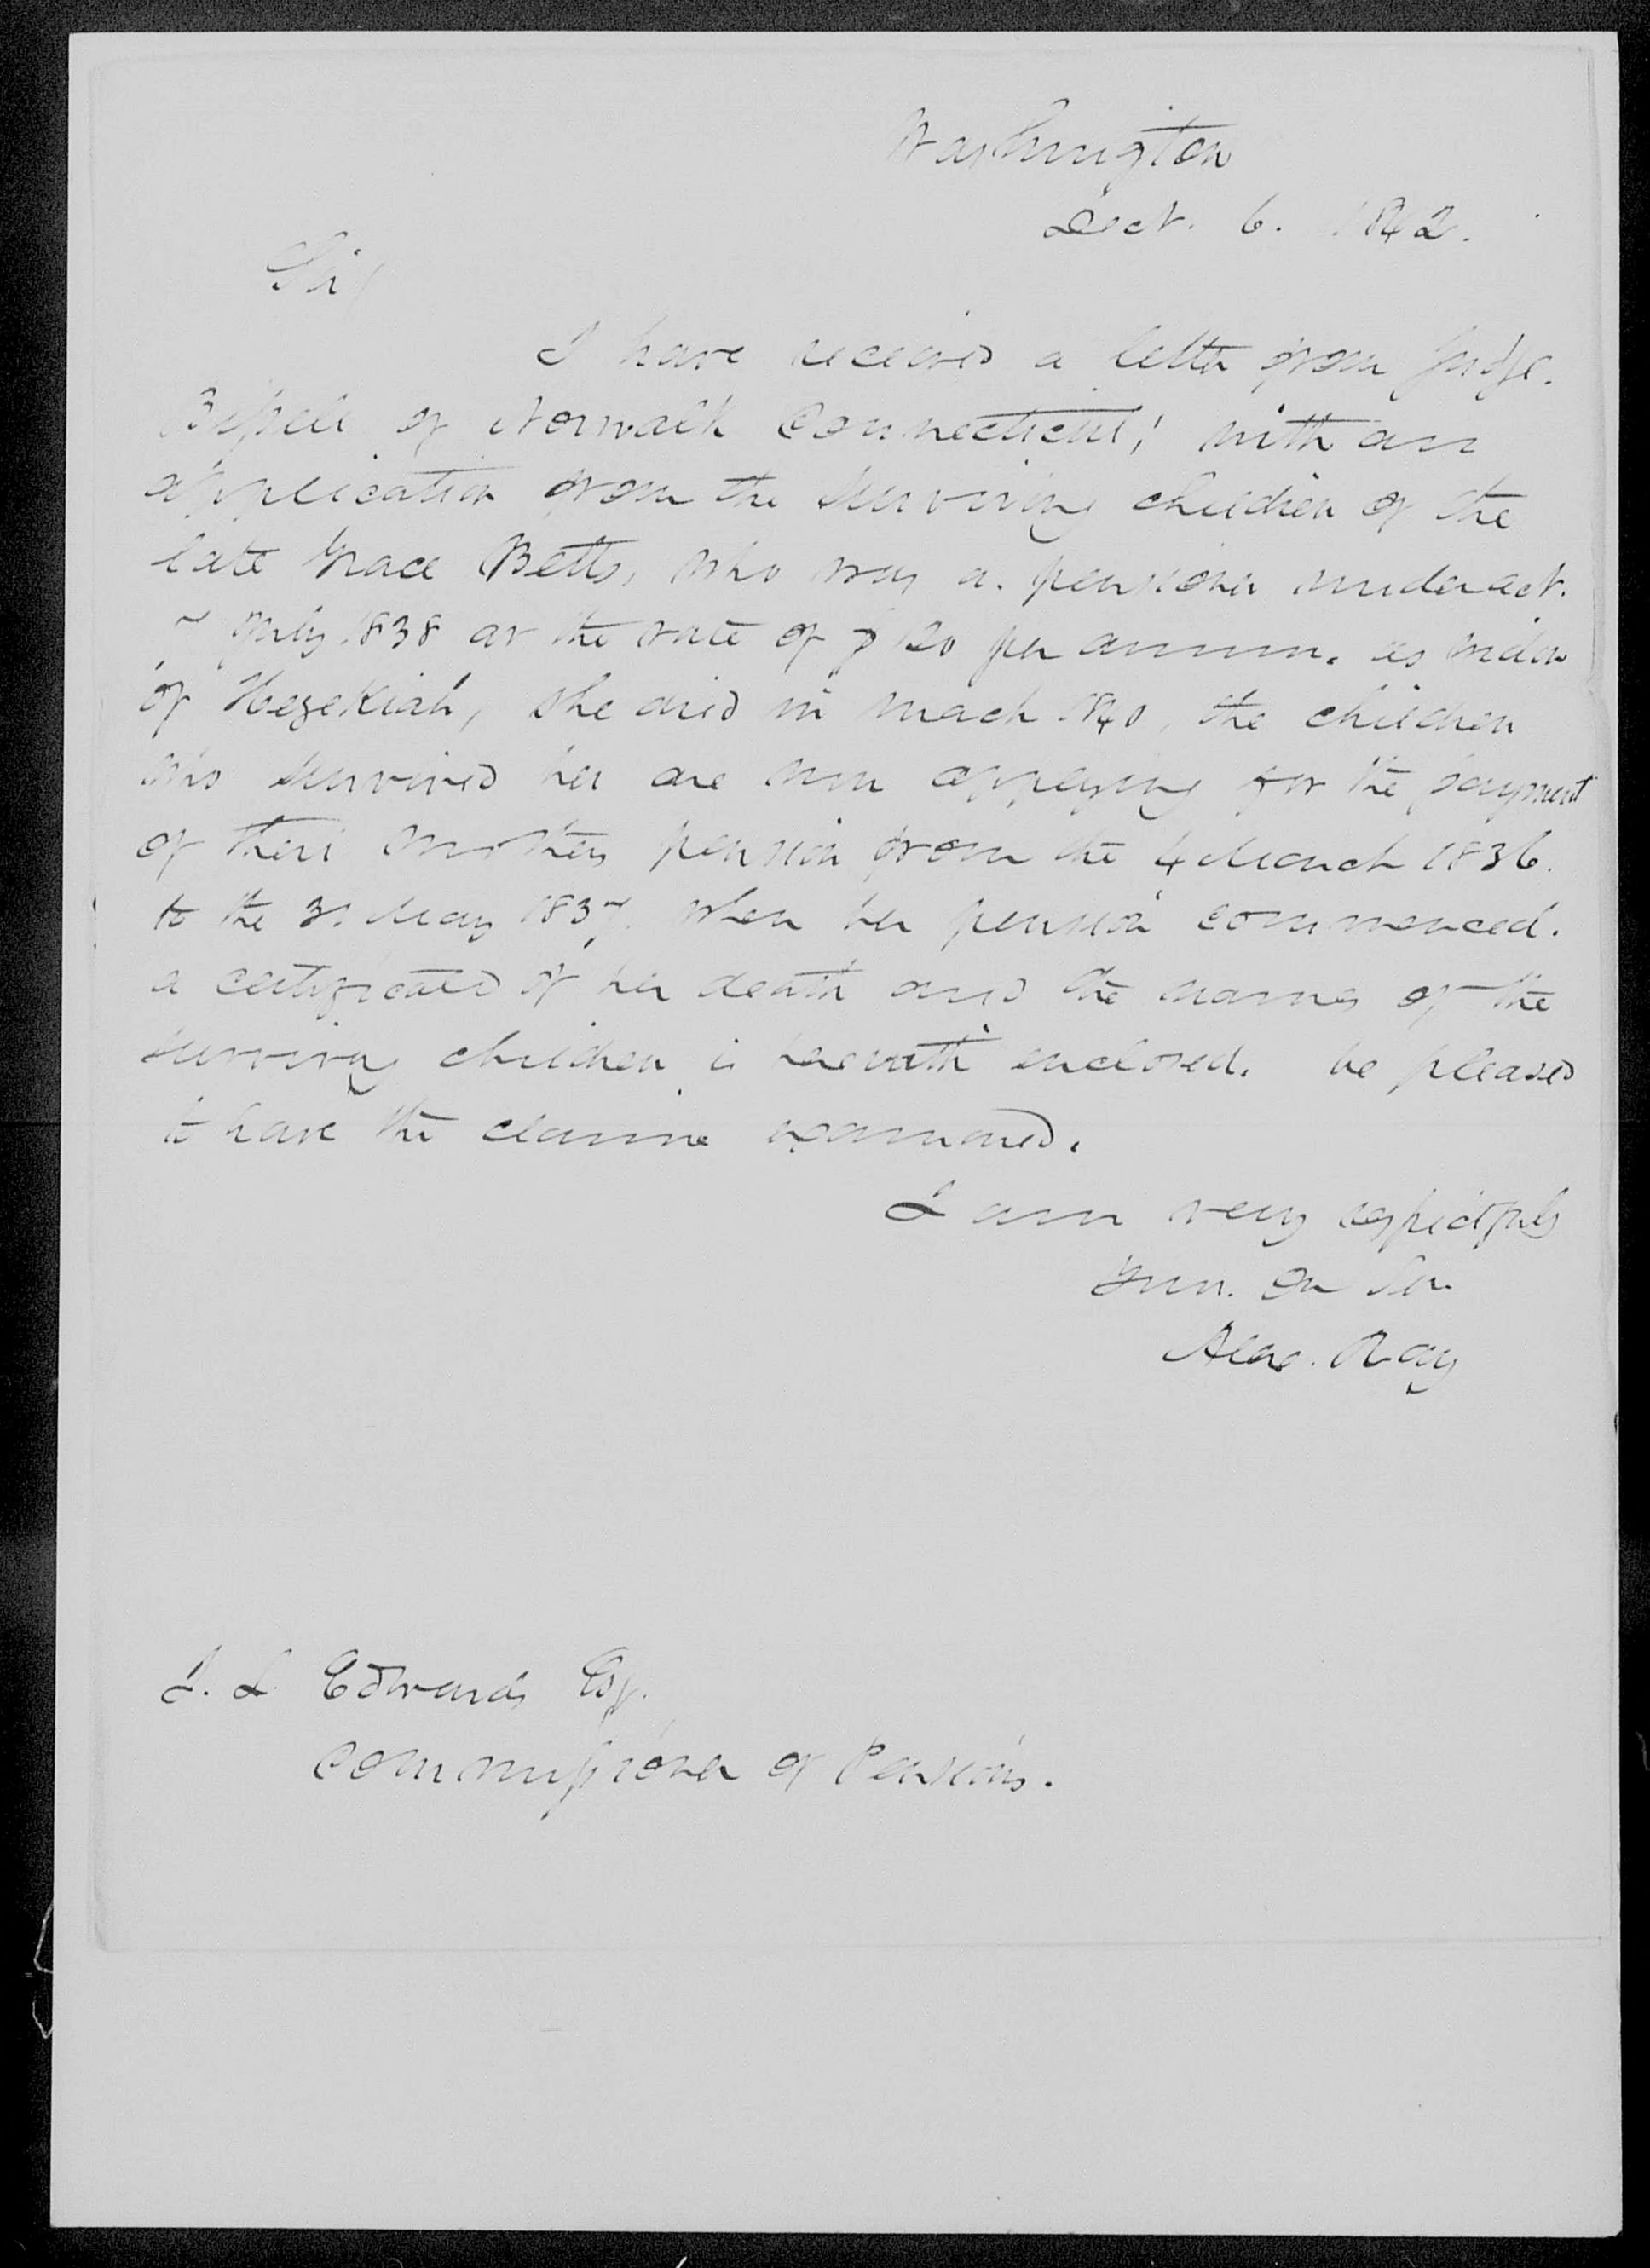Washington
Dec 6, 1842
Sir
I have received a letter from Judge Bissell of Norwalk Connecticut; with an application from the surviving children of the late Grace Betts, who was a pensioner under act of July 1838 at the rate of $120 per annum, as widow of Hezekiah, she died in March 1840, the children who survived her are now applying for the payment of their mothers pension from the 4 March 1836 to the 31 May 1837 when her pension commenced, a certificate of her death and the names of the surviving children is herewith enclosed, be pleased to have the claim examined.
I am respectfully your obt servt
Alex Ray


J. L. Edwards Esq
Commissioner of Pensions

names: Alex Ray, Grace Betts, Hezekiah, J L Edwards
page: 58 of 61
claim: widow's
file: W. 29,929, Hezekiah Betts, Conn.